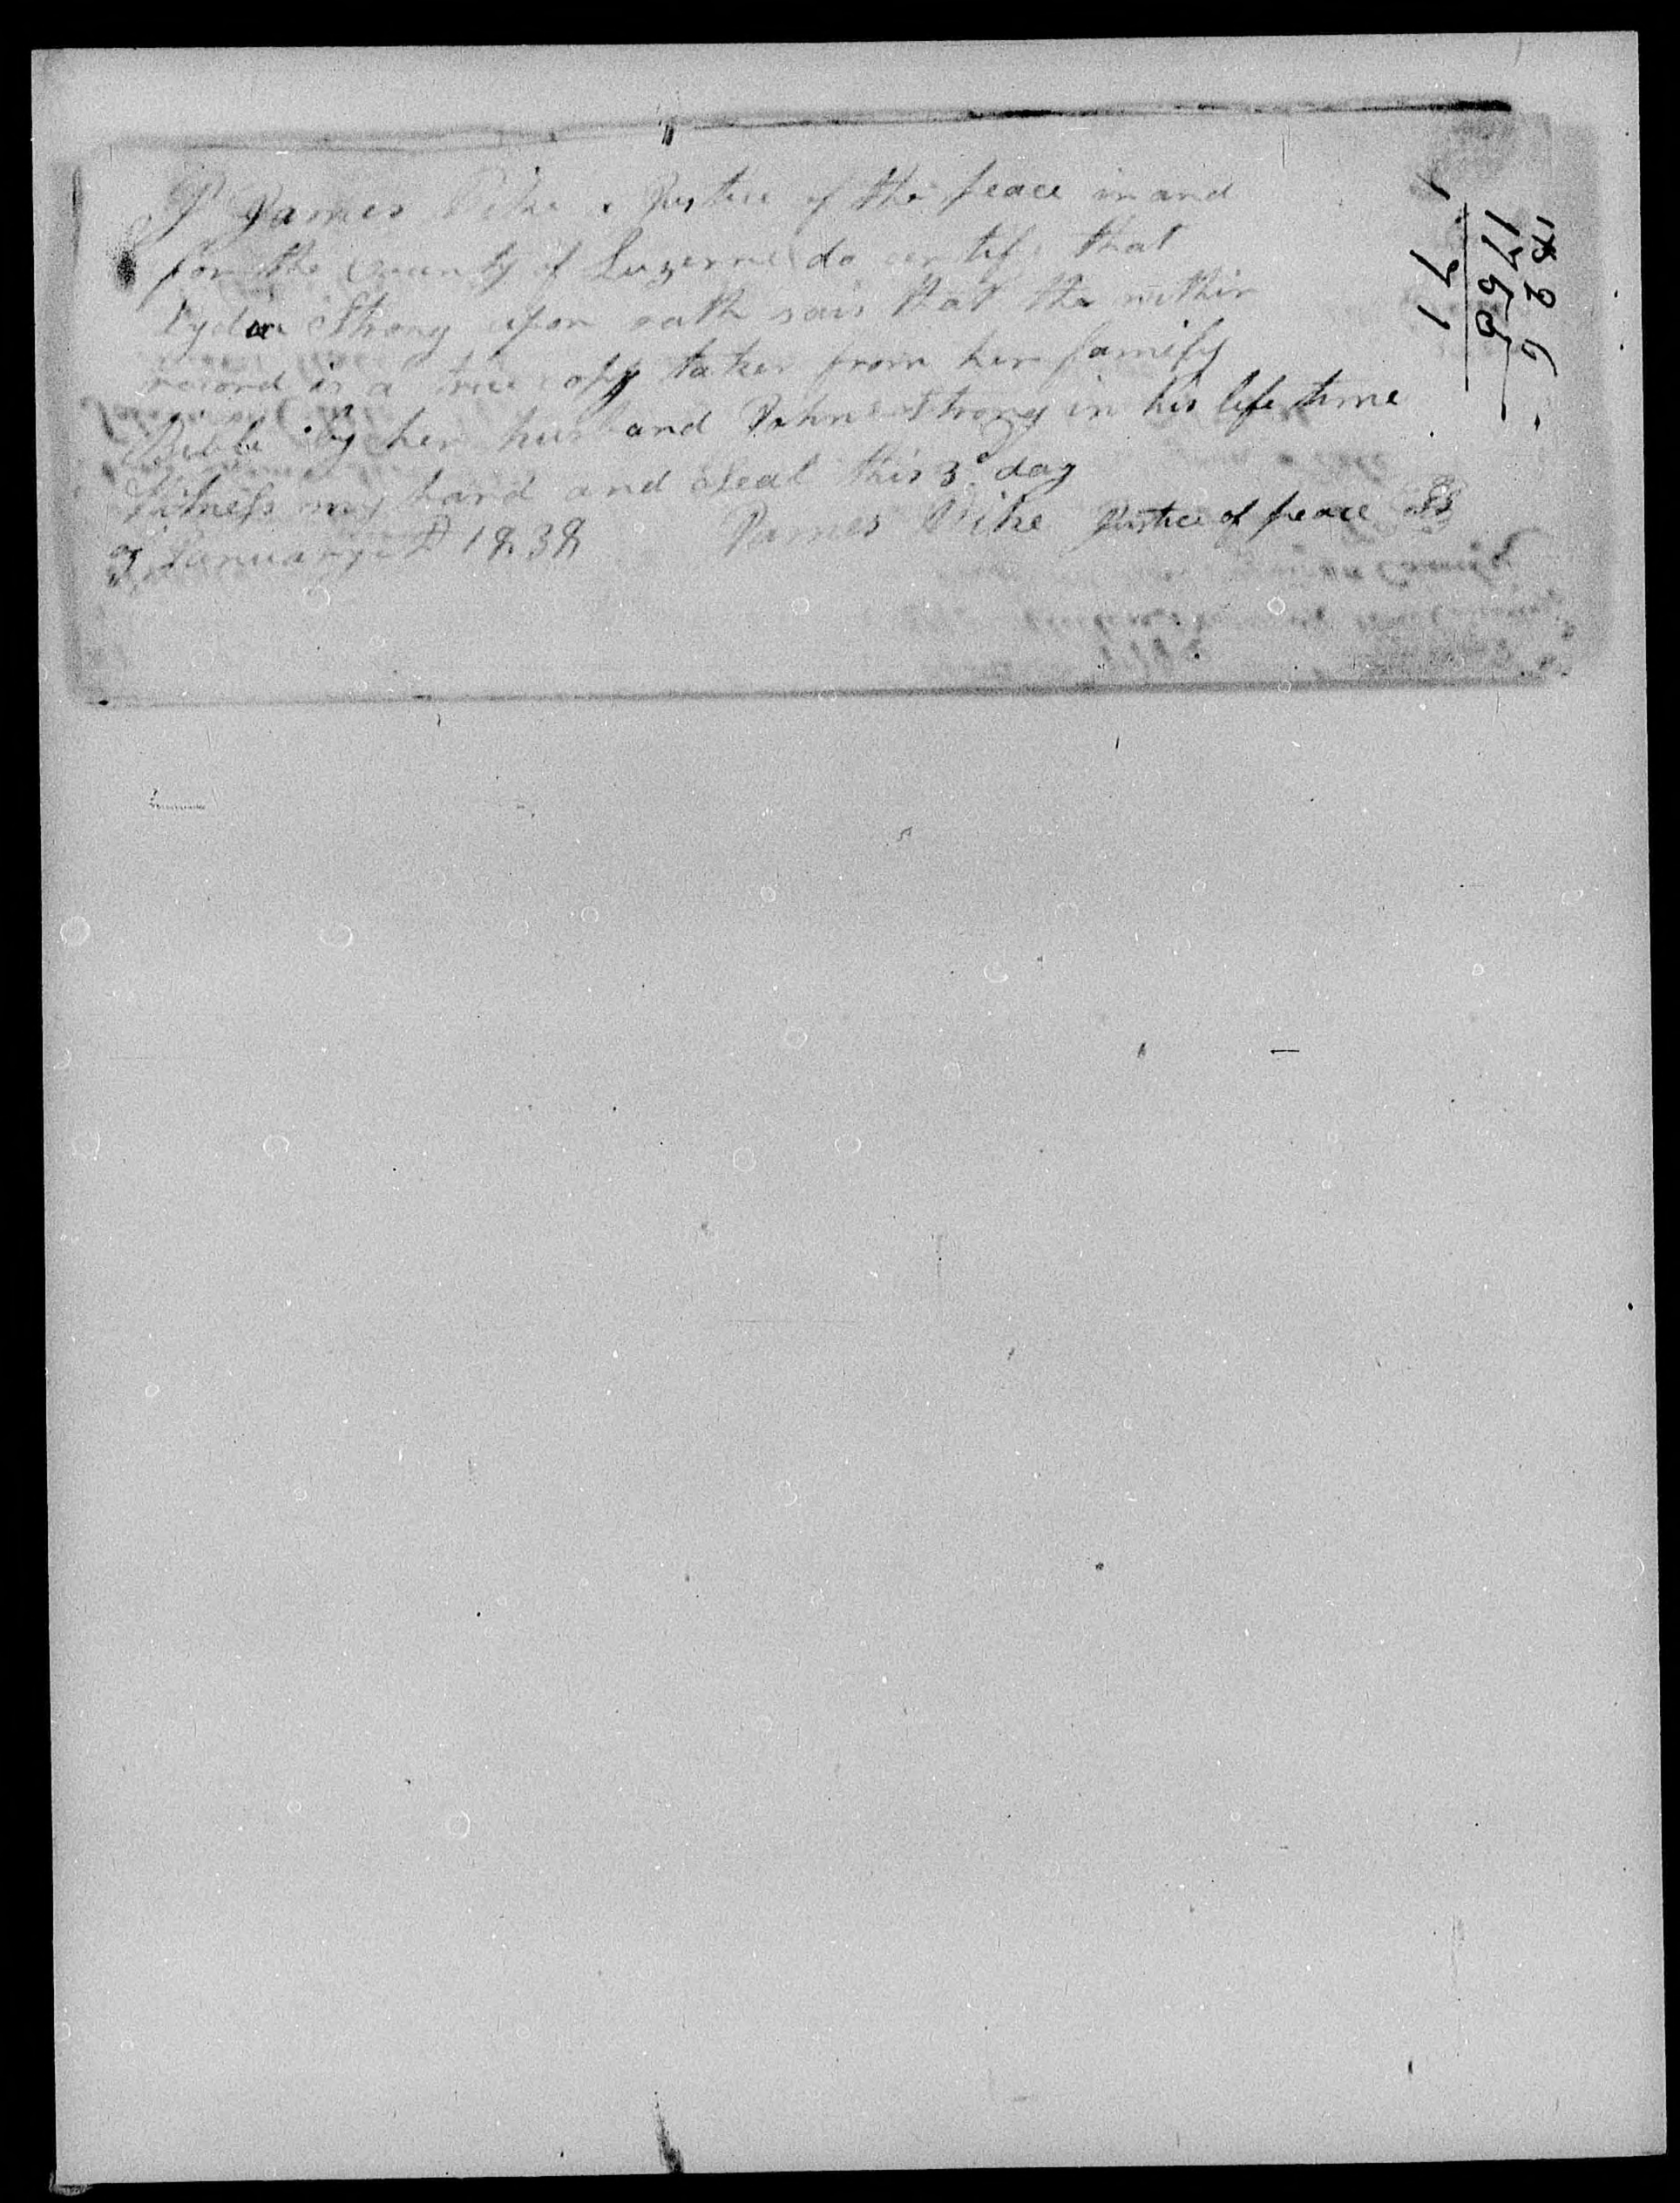I James Pike Justice of the peace in and for the County of Luzerne do certify that Lydia Strong upon oath sais that the within record is a true of taken from her family Bible by her husband John Strong in his life time
Witness my hand and seal this 3 day January 1838 
[signed] James Pike  Justice of the peace.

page: 15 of 33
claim: widow's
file: W. 4592, for John Strong, New York